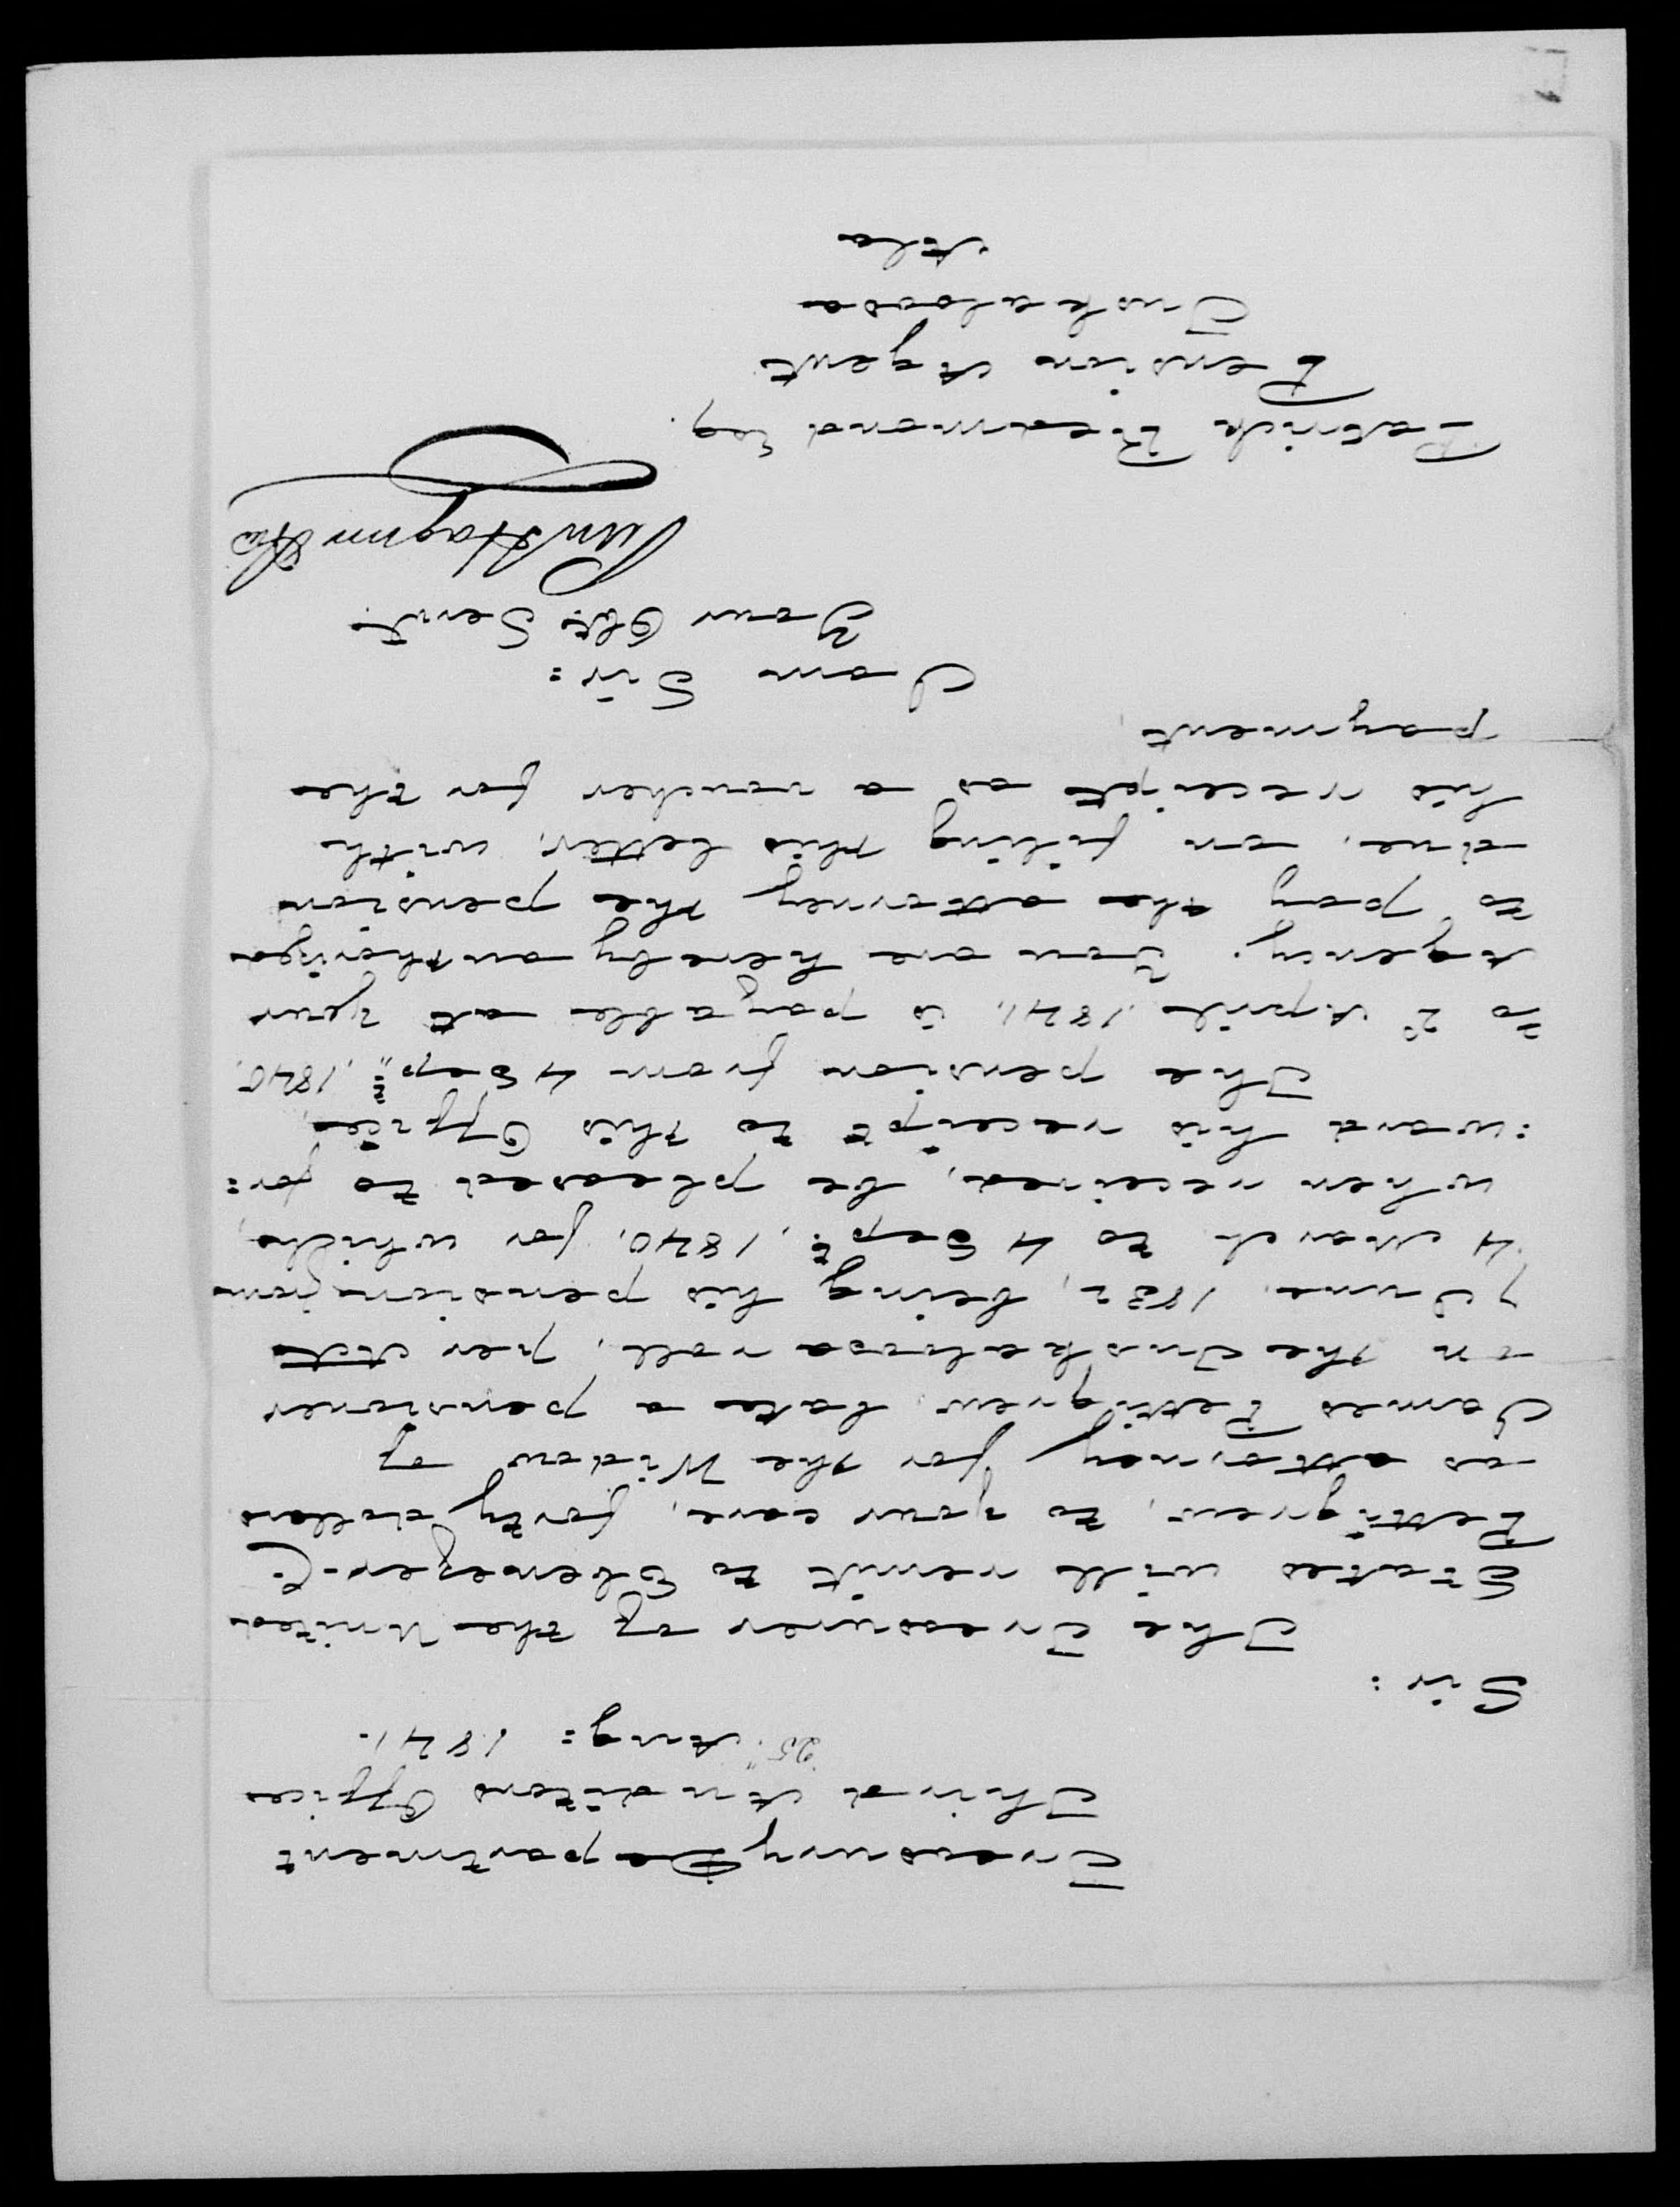Treasury Department
Head Auditors Office
25. Aug: 1841.

Sir:
The Treasury of the United States will permit to Ebenezer C. Pettigrew, to your care, forty dollars. as attorney for the Widow of James Pettigrew, late [illegible] pensioner in the Tuscaloosa roll, per act 7 June, 1832, being his pension [illegible] 4 March to 4 Sept, 1840 for which when received, be pleased to forward his receipt to this office
The pension from 4 Sept 1840,
to 20 April, 1841, is payable at your Agency. You are hereby [illegible] to [illegible] the attorney the pension else, on filing this letter, with his recipient as a voucher for the payment.
From Sit:
Your Obt. Sert. [Your Obedient Servant]
[illegible]

Patrick Redmond Esq.
Pension Agent
Tuscaloosa
Ala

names: James Pettigrew; Ebenezer C Pettigrew; Peter Hagner; Patrick Redmond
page: 14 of 92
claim: widow's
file: W. 5522, for James Pettigrew, South Carolina